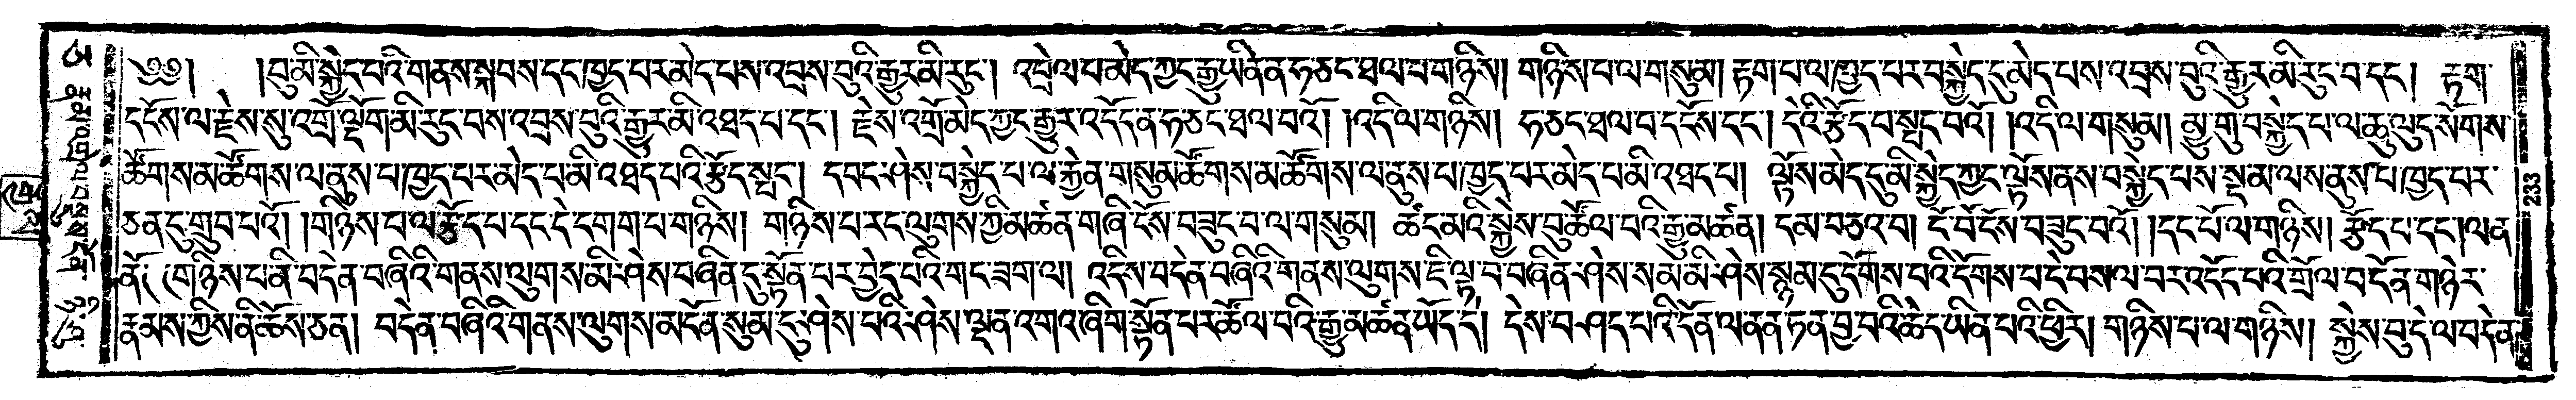༄༅། །བུ་མི་སྐྱེད་པའི་གནས་སྐབས་དང་ཁྱད་པར་མེད་པས་འབྲས་བུའི་རྒྱུར་མི་རུང་། འབྲེལ་པ་མེད་ཀྱང་རྒྱུ་ཡིན་ན་ཧ་ཅང་ཐལ་བ་གཉིས། གཉིས་པ་ལ་གསུམ། རྟག་པ་ལ་ཁྱད་པར་བསྐྱེད་དུ་མེད་པས་འབྲས་བུའི་རྒྱུར་མི་རུང་བ་དང་། རྟག་
དངོས་ལ་རྗེས་སུ་འགྲོ་ལྡོག་མི་རུང་བས་འབྲས་བུའི་རྒྱུར་མི་འཐད་པ་དང་། རྗེས་འགྲོ་མེད་ཀྱང་རྒྱུར་འདོད་ན་ཧ་ཅང་ཐལ་བའོ། །འདི་ལ་གཉིས། ཧ་ཅང་ཐལ་བ་དངོས་དང་། དེའི་རྩོད་པ་སྤང་བའོ། །འདི་ལ་གསུམ། མྱུ་གུ་བསྐྱེད་པ་ལ་ཆུ་ལུད་སོགས་
ཚོགས་མ་ཚོགས་ལ་ནུས་པ་ཁྱད་པར་མེད་པ་མི་འཐད་པའི་རྩོད་སྤང་། དབང་ཤེས་བསྐྱེད་པ་ལ་རྐྱེན་གསུམ་ཚོགས་མ་ཚོགས་ལ་ནུས་པ་ཁྱད་པར་མེད་པ་མི་འཐད་པ། ལྟོས་མེད་དུ་མི་སྐྱེད་ཀྱང་ལྟོས་ནས་བསྐྱེད་པས་སྔ་མ་ལས་ནུས་པ་ཁྱད་པར་
ཅན་དུ་གྲུབ་པའོ། །གཉིས་པ་ལ་རྩོད་པ་དང་དེ་དགག་པ་གཉིས། གཉིས་པ་རང་ལུགས་ཀྱི་མཚན་གཞི་ངོས་བཟུང་བ་ལ་གསུམ། ཚད་མའི་སྐྱེས་བུ་ཚོལ་བའི་རྒྱུ་མཚན། དམ་བཅའ་བ། ངོ་བོ་ངོས་བཟུང་བའོ། །དང་པོ་ལ་གཉིས། རྩོད་པ་དང་། ལན་
ནོ། །གཉིས་པ་ནི་བདེན་བཞིའི་གནས་ལུགས་མི་ཤེས་བཞིན་དུ་སྟོན་པར་བྱེད་པའི་གང་ཟག་ལ། འདིས་བདེན་བཞིའི་གནས་ལུགས་ཇི་ལྟ་བ་བཞིན་ཤེས་སམ་མི་ཤེས་སྙམ་དུ་དགོས་པའི་དོགས་པ་དེ་བསལ་བར་འདོད་པའི་གྲོལ་བ་དོན་གཉེར་
རྣམས་ཀྱིས་ནི་ཆོས་ཅན། བདེན་བཞིའི་གནས་ལུགས་མངོན་སུམ་དུ་ཤེས་པའི་ཤེས་ལྡན་འགའ་ཞིག་སྟོན་པར་ཚོལ་བའི་རྒྱུ་མཚན་ཡོད་དེ། དེས་བཤད་པའི་དོན་ལ་ནན་ཏན་བྱ་བའི་ཆེད་ཡིན་པའི་ཕྱིར། གཉིས་པ་ལ་གཉིས། སྐྱེས་བུ་དེ་ལ་བདེན་